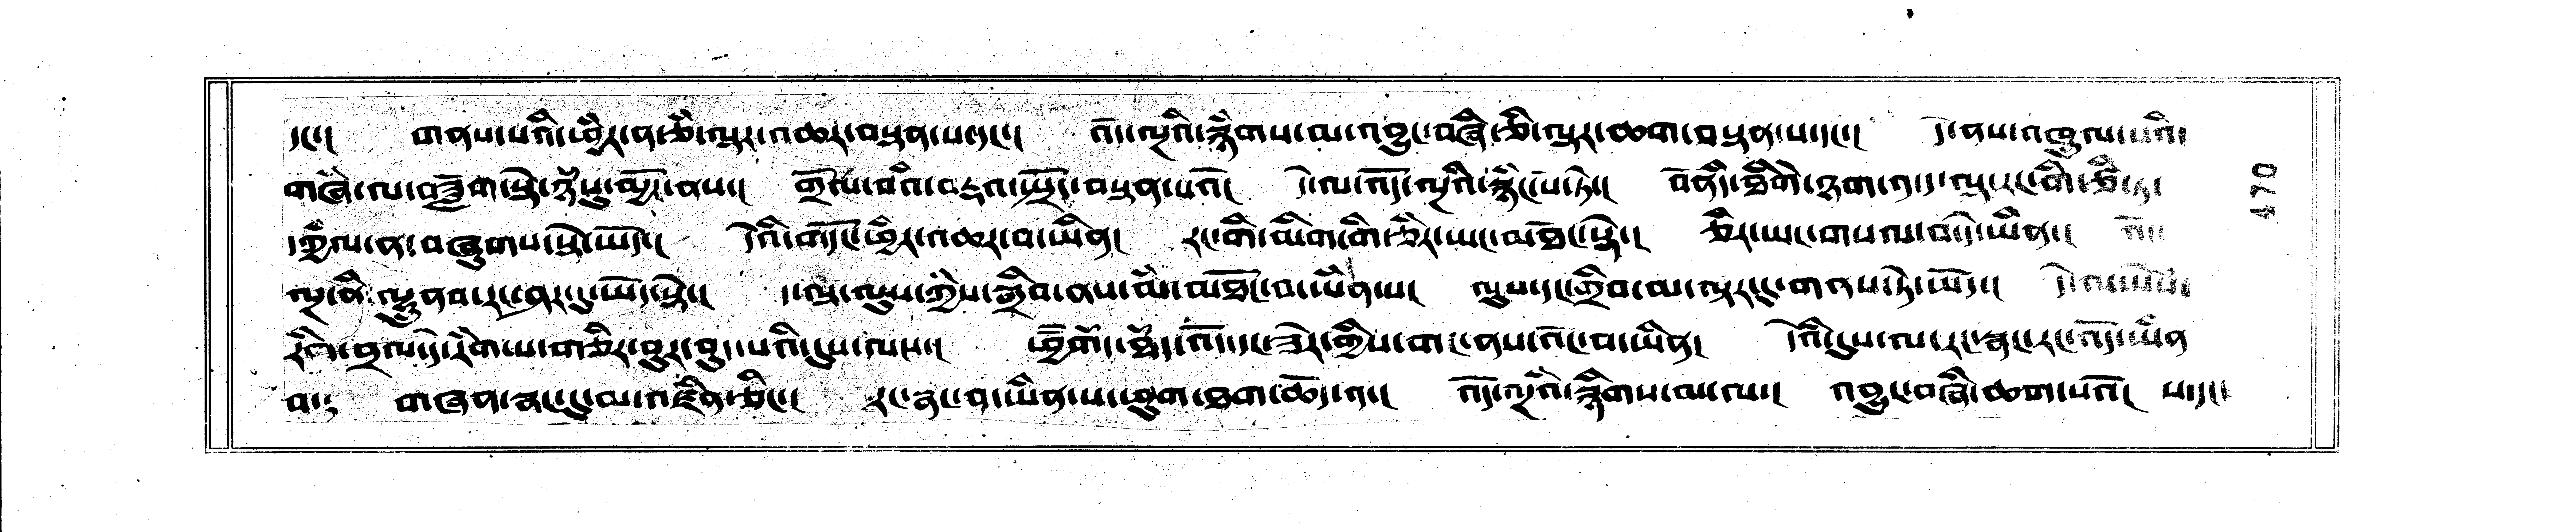དང་། གནས་པའི་ཕྱིར་ན་ཅི་ལྟར་འཆར་བ་བསྟན་པ་དང་། འོད་ལྔའི་སྙིགས་མ་འབྱུང་བཞི་ཅི་ལྟར་ཆགས་པ་བསྟན་པ་དང་། དེ་ནས་འཁྲུལ་པ་
གཞི་ལ་ཟློག་སྟེ་ཉམས་སུ་མྱོང་ན། གྲོལ་བའི་བརྡའ་སྤྲོད་བསྟན་པའོ། དེ་ལ་འོད་ལྔའི་སྙིང་པོ་སྟེ། བོན་ཉིད་ཐིེག་ལེ་ཉག་ཅིག་ད་ལྟ་རང་གིས་སྙིང་རྩི་ཏའི་
དཀྱིལ་ན་བཞུགས་སྟེ་ཡོད། དེའི་གདང་ཕྱིར་འཆར་བ་ཡིན། རང་གིས་མིག་གིས་ཅི་ཡང་མཐོང་སྟེ་ཅིར་ཡང་གསལ་བ་ཡིན། འོད་
ལྔ་ནི་རང་ལ་ལྷུན་གྲུབ་རང་ཤར་དུ་ཡོད་སྟེ། ད་ལྟ་ལུས་ཀྱིས་སྒྲིབ་ན་མི་མཐོང་བ་ཡིན་པས། ལུས་དང་གྲིབ་མ་ལྟར་དུ་གནས་ཏེ་ཡོད། དེ་ལ་རང་བེམ་
རིག་བྲལ་ཏེ། རིག་པ་གཅེར་བུར་བུད་པའི་དུས་ལ། ཕྱོགས་མེད་ཐམས་ཅད་འོད་དང་ཟེར་གྱིས་གང་ནས་འོང་བ་ཡིན། དེའི་དུས་ལ་རང་སྣང་འོད་ཡིན་
པས། གཞན་སྣང་དུ་མ་འཛིན་ཅིག རང་སྣང་ཡིན་པར་ཕུ་ཐག་ཆོད་ཅིག འོད་ལྔའི་སྙིགས་མ་ལ་འབྱུང་བཞི་ཆགས་པའོ། ས་